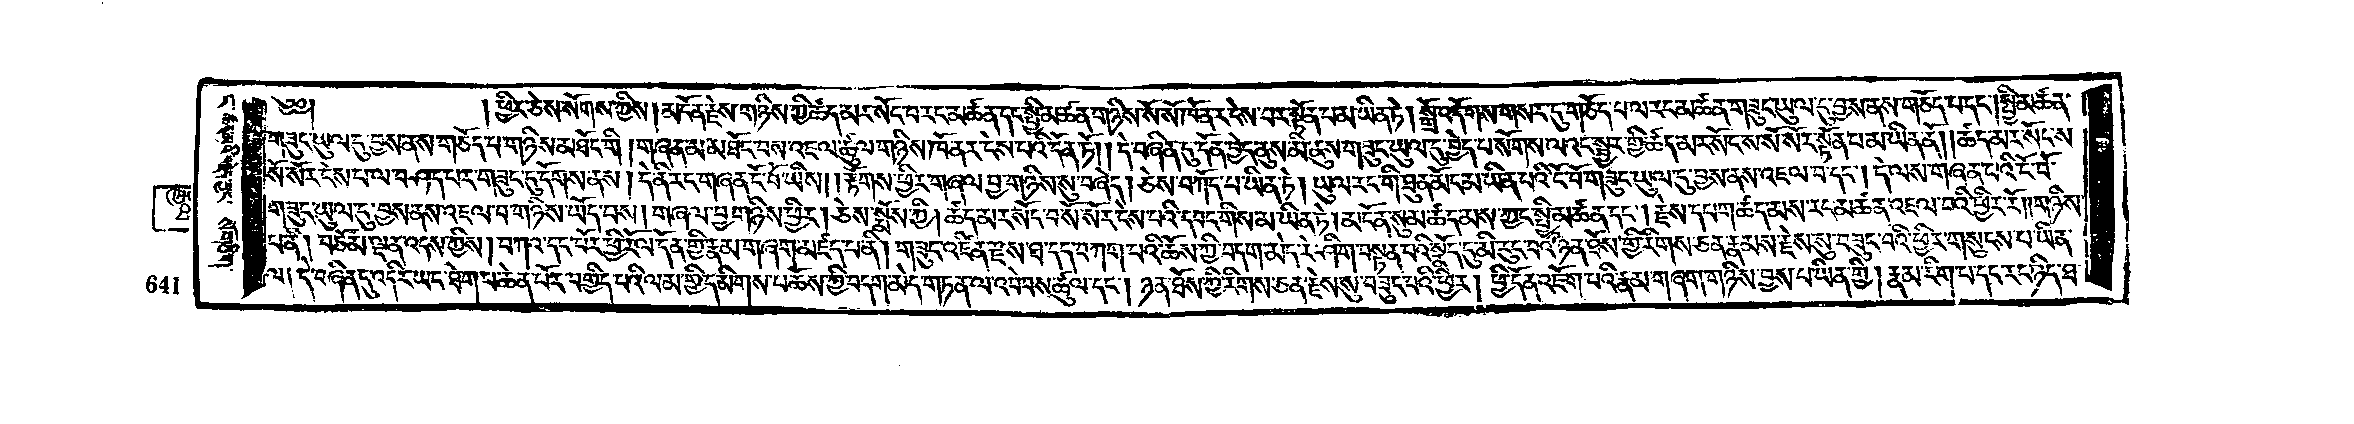༄༅། །ཕྱིར་ཅེས་སོགས་ཀྱིས། མངོན་རྗེས་གཉིས་ཀྱི་ཚད་མར་སོང་བ་རང་མཚན་དང་སྤྱི་མཚན་གཉིས་སོ་སོ་ཁོ་ནར་ངེས་པར་སྟོན་པ་མ་ཡིན་ཏེ། སྒྲོ་འདོགས་གསར་དུ་གཅོད་པ་ལ་རང་མཚན་གཟུང་ཡུལ་དུ་བྱས་ནས་གཅོད་པ་དང་། སྤྱི་མཚན་
གཟུང་ཡུལ་དུ་བྱས་ནས་གཅོད་པ་གཉིས་མཐོང་གི། གཞན་མ་མཐོང་བས་འཇལ་ཚུལ་གཉིས་ཁོར་ངེས་པའི་དོན་ཏོ། །དེ་བཞིན་དུ་དོན་བྱེད་དུ་ནུས་མི་ནུས་གཟུང་ཡུལ་དུ་བྱེད་པ་སོགས་ལའང་སྦྱར་གྱི་ཚད་མར་སོང་ས་སོ་སོར་སྟོན་པ་མ་ཡིན་ནོ། །ཚད་མར་སོང་ས་
སོ་སོར་ངེས་པ་ལ་བཤད་པར་གཟུང་དུ་དོགས་ནས། དེ་ནི་རང་གཞན་ངོ་བོ་ཡིས། །རྟོགས་ཕྱིར་གཞལ་བྱ་གཉིས་སུ་བཞེད། ཅེས་བཀོད་པ་ཡིན་ཏེ། ཡུལ་རང་གི་ཐུན་མོང་མ་ཡིན་པའི་ངོ་བོ་གཟུང་ཡུལ་དུ་བྱས་འཇལ་བ་དང་། དེ་ལས་གཞན་པའི་ངོ་བོ་
གཟུང་ཡུལ་དུ་བྱས་འཇལ་བ་གཉིས་ཡོད་པས། གཞན་བྱ་གཉིས་ཕྱིར། ཅེས་སྨྲོས་ཀྱི། ཚད་མར་སོང་བ་སོ་སོར་ངེས་པའི་དབང་གིས་མ་ཡིན་ཏེ། མངོན་སུམ་ཚད་མས་ཀྱང་སྤྱི་མཚན་དང་། རྗེས་དཔག་ཚད་མས་རང་མཚན་འཇལ་བའི་ཕྱིར་རོ། །གཉིས་
པ་ནི། བཅོམ་ལྡན་འདས་ཀྱིས། བཀའ་དང་པོར་ཕྱི་རོལ་དོན་གྱི་རྣམ་གཞག་མཛད་པ་ནི། གཟུང་འཛིན་རྫས་ཐ་དད་བཀག་པའི་ཆོས་ཀྱི་བདག་མེད་རེ་ཤིག་བསྟན་པའི་སྣོད་དུ་མི་རུང་བའི་ཉན་ཐོས་ཀྱི་རིགས་ཅན་རྣམས་རྗེས་སུ་བཟུང་བའི་ཕྱིར་གསུངས་པ་ཡིན་
ལ། དེ་བཞིན་དུ་འདིར་ཡང་ཐེག་པ་ཆེན་པོར་བགྱིད་པའི་ལམ་གྱི་དམིགས་པ་ཆོས་ཀྱི་བདག་མེད་གཏན་ལ་འབེབས་ཚུལ་དང་། ཉན་ཐོས་ཀྱི་རིགས་ཅན་རྗེས་སུ་བཟུང་བའི་ཕྱིར། ཕྱི་དོན་འཇོག་པའི་རྣམ་གཞག་གཉིས་བྱས་པ་ཡིན་གྱི། རྣམ་རིག་པ་དང་རང་ཉིད་ཐ་